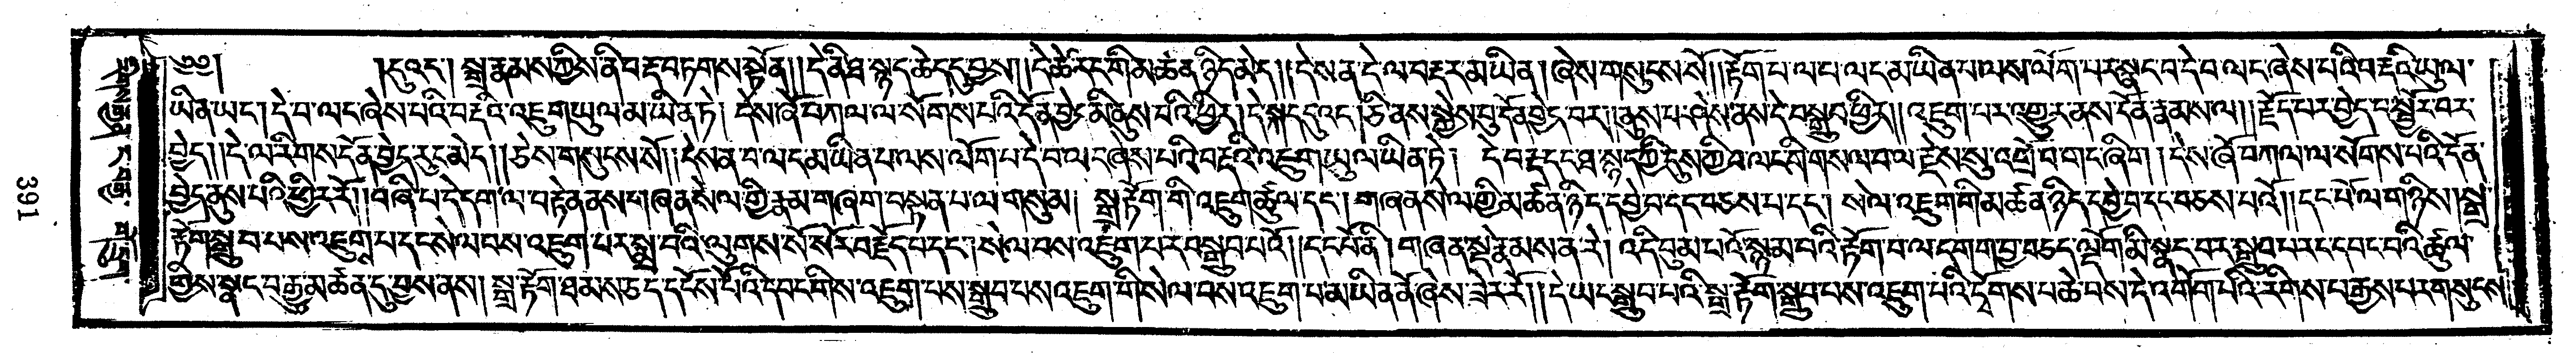༄༅། །དུའང་། སྒྲ་རྣམས་ཀྱིས་ནི་བརྡ་བཏགས་སྟོན། །དེ་ནི་ཐ་སྙད་ཆད་དུ་བྱས། །དེ་ཚེ་རང་གི་མཚན་ཉིད་མེད། །དེས་ན་དེ་ལ་བརྡར་མ་ཡིན། །ཞེས་གསུངས་སོ། །རྟོག་པ་ལ་བ་ལང་མ་ཡིན་པ་ལས་ལོག་པར་སྣང་བ་དེ་བ་ལང་ཞེས་པའི་བརྡའི་ཡུལ་
ཡིན་ཡང་། དེ་བ་ལང་ཞེས་པའི་བརྡའི་འཇུག་ཡུལ་མ་ཡིན་ཏེ། དེས་ཞོ་བཀལ་ལ་སོགས་པའི་དོན་བྱེད་མི་ནུས་པའི་ཕྱིར། དེ་སྐད་དུའང་། ཅི་ནས་སྐྱེས་བུ་དོན་བྱེད་བར། །ནུས་པ་ཤེས་ནས་དེ་བསྒྲུབ་ཕྱིར། །འཇུག་པར་འགྱུར་ནས་དོན་རྣམས་ལ། །རྗོད་པར་བྱེད་པ་སྦྱོར་བར་
བྱེད། །དེ་ལ་རིགས་དོན་བྱེད་རུང་མེད། །ཅེས་གསུངས་སོ། །དེས་ན་བ་ལང་མ་ཡིན་པ་ལས་ལོག་པ་དེ་བ་ལང་ཞེས་པའི་བརྡའི་འཇུག་ཡུལ་ཡིན་ཏེ། དེ་བརྡ་དང་ཐ་སྙད་ཀྱི་དུས་ཀྱི་བ་ལང་གི་གསལ་བ་ལ་རྗེས་སུ་འགྲོ་བ་གང་ཞིག །དེས་ཞོ་བཀལ་ལ་སོགས་པའི་དོན་
བྱེད་ནུས་པའི་ཕྱིར་རོ། །བཞི་པ་དེ་དག་ལ་བརྟེན་ནས་གཞན་སེལ་གྱི་རྣམ་གཞག་བསྟན་པ་ལ་གསུམ། སྒྲ་རྟོག་གི་འཇུག་ཚུལ་དང་། གཞན་སེལ་གྱི་མཚན་ཉིད་དབྱེ་བ་དང་བཅས་པ་དང་། སེལ་འཇུག་གི་མཚན་ཉིད་དབྱེ་བ་དང་བཅས་པའོ། །དང་པོ་ལ་གཉིས། སྒྲ་
རྟོག་སྒྲུབ་པས་འཇུགས་པ་དང་སེལ་བས་འཇུག་པར་སྨྲ་བའི་ལུགས་སོ་སོར་བརྗོད་པ་དང་། སེལ་བས་འཇུག་པར་བསྒྲུབ་པའོ། །དང་པོ་ནི། གཞན་སྡེ་རྣམས་ན་རེ། འདི་བུམ་པའོ་སྙམ་པའི་རྟོག་པ་ལ་དགག་བྱ་བཅད་ལྡོག་མི་སྣང་བར་སྒྲུབ་པ་རང་དབང་བའི་ཚུལ་
གྱིས་སྣང་བ་རྒྱུ་མཚན་དུ་བྱས་ནས། སྒྲ་རྟོག་ཐམས་ཅད་དངོས་པོའི་དབང་གིས་འཇུག་པས་སྒྲུབ་པས་འཇུག་གི་སེལ་བས་འཇུག་པ་མ་ཡིན་ནོ་ཞེས་ཟེར་རོ། །དེ་ཡང་སྒྲུབ་པའི་སྒྲ་རྟོག་སྒྲུབ་པས་འཇུག་པའི་དྭོགས་པ་ཆེ་བས་དེ་འགོག་པའི་རིགས་པ་རྒྱས་པར་གསུངས་